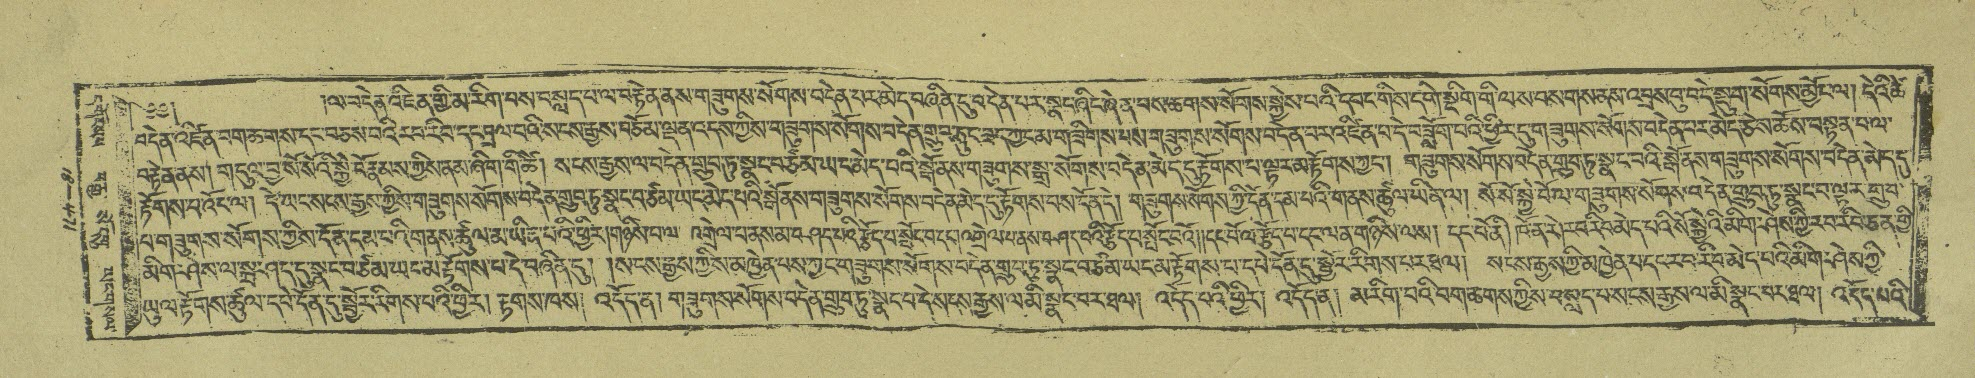༄༅། །ལ་བདེན་འཛིན་གྱི་མ་རིག་པས་བསླད་པ་ལ་བརྟེན་ནས་གཟུགས་སོགས་བདེན་པར་མེད་བཞིན་དུ་བདེན་པར་སྣང་ཞིང་ཞེན་པས་ཆགས་སོགས་སྐྱེས་པའི་དབང་གིས་དགེ་སྡིག་གི་ལས་བསགས་ནས་འབྲས་བུ་བདེ་སྡུག་སོགས་མྱོང་ལ། དེའི་ཚེ་
བདེན་འཛིན་བག་ཆགས་དང་བཅས་པའི་རབ་རིབ་དང་བྲལ་བའི་སངས་རྒྱས་བཅོམ་ལྡན་འདས་ཀྱིས་གཟུགས་སོགས་བདེན་གྲུབ་ཅུང་ཟད་ཀྱང་མ་གཟིགས་པས་གཟུགས་སོགས་བདེན་པར་འཛིན་པ་དེ་བཟློག་པའི་ཕྱིར་དུ་གཟུགས་སོགས་བདེན་པར་མེད་ཅེས་ཆོས་བསྟན་པ་ལ་
བརྟེན་ནས། གདུལ་བྱ་སོ་སོའི་སྐྱེ་བོ་རྣམས་ཀྱིས་ནམ་ཞིག་གི་ཚེ། སངས་རྒྱས་ལ་བདེན་གྲུབ་ཏུ་སྣང་བ་ཙམ་ཡང་མེད་པའི་སྒོ་ནས་གཟུགས་སྒྲ་སོགས་བདེན་མེད་དུ་རྟོགས་པ་ལྟར་མ་རྟོགས་ཀྱང་། གཟུགས་སོགས་བདེན་གྲུབ་ཏུ་སྣང་བའི་སྒོ་ནས་གཟུགས་སོགས་བདེན་མེད་དུ་
རྟོགས་པ་འོང་ལ། དེ་ཡང་སངས་རྒྱས་ཀྱི་གཟུགས་སོགས་བདེན་གྲུབ་ཏུ་སྣང་བ་ཙམ་ཡང་མེད་པའི་སྒོ་ནས་གཟུགས་སོགས་བདེན་མེད་དུ་རྟོགས་པས་དོན་དེ། གཟུགས་སོགས་ཀྱི་དོན་དམ་པའི་གནས་ཚུལ་ཡིན་ལ། སོ་སོ་སྐྱེ་བོ་ལ་གཟུགས་སོགས་བདེན་གྲུབ་ཏུ་སྣང་བ་ལྟར་གྲུབ་
པ་གཟུགས་སོགས་ཀྱིས་དོན་དམ་པའི་གནས་ཚུལ་མ་ཡིན་པའི་ཕྱིར། གཉིས་པ་ལ། འགྲེལ་པ་ནས་མ་བཤད་པའི་རྩོད་པ་སྤོང་བ་དང་། འགྲེལ་པ་ནས་བཤད་པའི་རྩོད་པ་སྤོང་བའོ། །དང་པོ་ལ་རྩོད་པ་དང་ལན་གཉིས་ལས། དང་པོ་ནི། ཁོ་ན་རེ། རབ་རིབ་མེད་པའི་སོ་སྐྱེའི་མིག་ཤེས་ཀྱི་རབ་རིབ་ཅན་གྱི་
མིག་ཤེས་ལ་སྐྲ་ཤད་དུ་སྣང་བ་ཙམ་ཡང་མ་རྟོགས་པ་དེ་བཞིན་དུ། །སངས་རྒྱས་ཀྱིས་མཁྱེན་པས་ཀྱང་གཟུགས་སོགས་བདེན་གྲུབ་ཏུ་སྣང་བ་ཙམ་ཡང་མ་རྟོགས་པ་དཔེ་དོན་དུ་སྦྱོར་རིགས་པར་ཐལ། སངས་རྒྱས་ཀྱི་མཁྱེན་པ་དང་རབ་རིབ་མེད་པའི་མིག་ཤེས་ཀྱི་
ཡུལ་རྟོགས་ཚུལ་དཔེ་དོན་དུ་སྦྱོར་རིགས་པའི་ཕྱིར། རྟགས་ཁས། འདོད་ན། གཟུགས་སོགས་བདེན་གྲུབ་ཏུ་སྣང་བ་དེ་སངས་རྒྱས་ལ་མི་སྣང་བར་ཐལ། འདོད་པའི་ཕྱིར། འདོད་ན། མ་རིག་པའི་བག་ཆགས་ཀྱིས་བསླད་པ་སངས་རྒྱས་ལ་མི་སྣང་བར་ཐལ། འདོད་པའི་